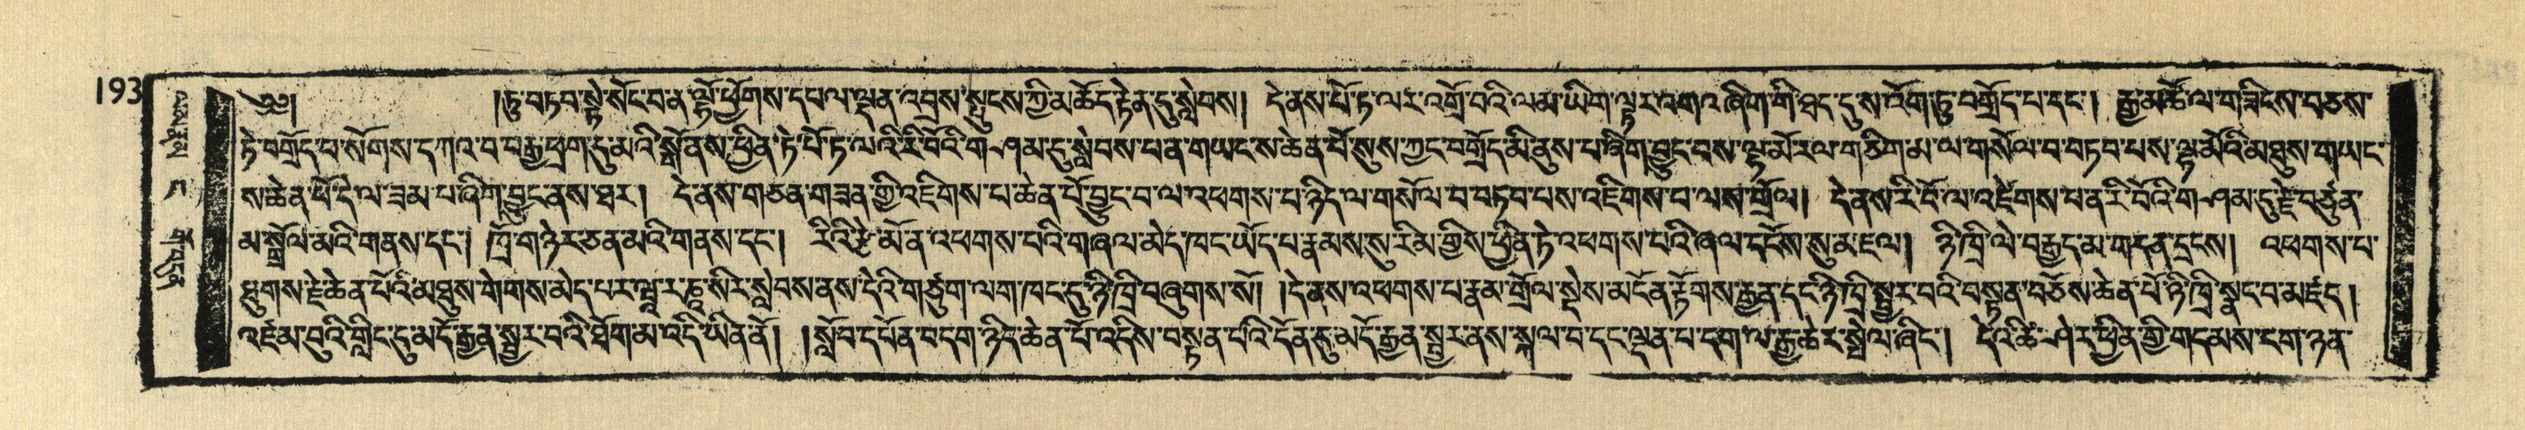༄༅། །ཏུ་བཏབ་སྟེ་སོང་བ་ན་ལྷོ་ཕྱོགས་དཔལ་ལྡན་འབྲས་སྤུངས་ཀྱི་མཆོད་རྟེན་དུ་སླེབས། དེ་ནས་པོ་ཏ་ལར་འགྲོ་བའི་ལམ་ཡིག་ལྟར་འགའ་ཞིག་གི་ཐང་དུ་ས་འོག་ཏུ་བགྲོད་པ་དང་། རྒྱ་མཚོ་ལ་གཟིངས་བཅས་
ཏེ་བགྲོད་པ་སོགས་དཀའ་བ་བརྒྱ་ཕྲག་དུ་མའི་སྒོ་ནས་ཕྱིན་ཏེ་པོ་ཏ་ལའི་རི་བོའི་གཤམ་དུ་སླེབས་པ་ན་གཡང་ས་ཆེན་པོ་སུས་ཀྱང་བགྲོད་མི་ནུས་པ་ཞིག་བྱུང་བས་ལྷ་མོ་རལ་གཅིག་མ་ལ་གསོལ་བ་བཏབ་པས་ལྷ་མོའི་མཐུས་གཡང་
ས་ཆེན་པོ་དེ་ལ་ཟམ་པ་ཞིག་བྱུང་ནས་ཐར། དེ་ནས་གཅན་གཟན་གྱི་འཇིགས་པ་ཆེན་པོ་བྱུང་བ་ལ་འཕགས་པ་ཉིད་ལ་གསོལ་བ་བཏབ་པས་འཇིགས་པ་ལས་གྲོལ། དེ་ནས་རི་བོ་ལ་འཛེགས་པ་ན་རི་བོའི་གཤམ་དུ་རྗེ་བཙུན་
མ་སྒྲོལ་མའི་གནས་དང་། ཁྲོ་གཉེར་ཅན་མའི་གནས་དང་། རིའི་རྩེ་མོ་ན་འཕགས་པའི་གཞལ་མེད་ཁང་ཡོད་པ་རྣམས་སུ་རིམ་གྱིས་ཕྱིན་ཏེ་འཕགས་པའི་ཞལ་དངོས་སུ་མཇལ། ཉི་ཁྲི་ལེ་བརྒྱད་མ་གདན་དྲངས། འཕགས་པ་
ཐུགས་རྗེ་ཆེན་པོའི་མཐུས་གེགས་མེད་པར་ཝཱ་ར་ཎཱ་སིར་སླེབས་ནས་དེའི་གཙུག་ལག་ཁང་དུ་ཉི་ཁྲི་བཞུགས་སོ། །དེ་ནས་འཕགས་པ་རྣམ་གྲོལ་སྡེས་མངོན་རྟོགས་རྒྱན་དང་ཉི་ཁྲི་སྦྱར་བའི་བསྟན་བཅོས་ཆེན་པོ་ཉི་ཁྲི་སྣང་བ་མཛད།
འཛམ་བུའི་གླིང་དུ་མདོ་རྒྱན་སྦྱར་བའི་ཐོག་མ་འདི་ཡིན་ནོ། །སློབ་དཔོན་བདག་ཉིད་ཆེན་པོ་འདིས་བསྟན་པའི་དོན་དུ་མདོ་རྒྱན་སྦྱར་ནས་སྐལ་བ་དང་ལྡན་པ་དག་ལ་རྒྱ་ཆེར་སྤེལ་ཞིང་། དེའི་ཚི་ཤེར་ཕྱིན་གྱི་གདམས་ངག་ཉན་